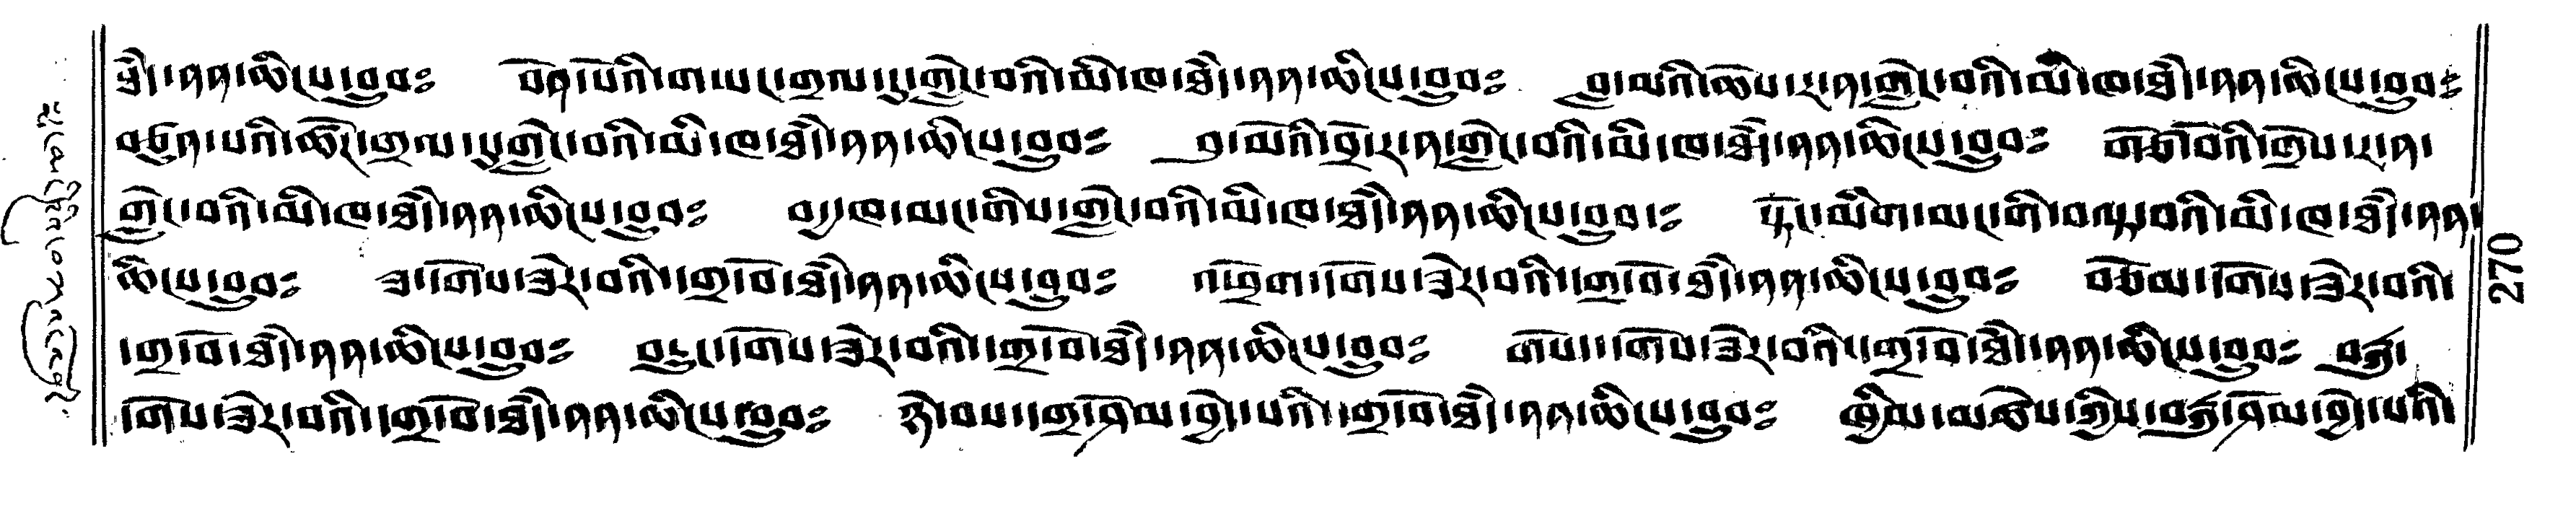་ཐམས་ཅད་ནན་ཆིངས་བྲུབསཿ བོན་པོའི་གཡང་གྲལ་དུ་གླེང་བའི་མི་ཁ་ཐམས་ཅད་ནན་ཆིངས་བྲུབསཿ བླ་མའི་ཆོས་རྭ་ན་གླེང་བའི་མི་ཁ་ཐམས་ཅད་ནན་ཆིངས་བྲུབསཿ 
བཙུན་པའི་ཚོགས་གྲལ་དུ་གླེང་བའི་མི་ཁ་ཐམས་ཅད་ནན་ཆིངས་བྲུབསཿབུ་མོའི་བྲོ་ར་ན་གླེང་བའི་མི་ཁ་ཐམས་ཅད་ནན་ཆིངས་བྲུབསཿ གཙོ་བོའི་གྲོས་ར་ན་
གླེང་བའི་མི་ཁ་ཐམས་ཅད་ནན་ཆིངས་བྲུབསཿ བརྒྱ་ཁ་མང་གིས་གླེང་བའི་མི་ཁ་ཐམས་ཅད་ནན་ཆིངས་བྲུབསསཿ སྟོང་མིག་མང་གིས་ལྟ་བའི་མི་ཁ་ཐམས་ཅད་ནན་
ཆིངས་བྲུབསཿ ཟ་དགོས་ཟེར་བའི་དགྲ་བོ་ཐམས་ཅད་ནན་ཆིངས་བྲུབསཿ འཕྲོག་དགོས་ཟེར་བའི་དགྲ་བོ་ཐམས་ཅད་ནན་ཆིངས་བྲུབསཿ བཅོམ་དགོས་ཟེར་བའི་
དགྲ་བོ་ཐམས་ཅད་ནན་ཆིངས་བྲུབསཿ རྡུང་དགོས་ཟེར་བའི་དགྲ་བོ་ཐམས་ཅད་ནན་ཆིངས་བྲུབསཿ གསོད་དགོས་ཟེར་བའི་དགྲ་བོ་ཐམས་ཅད་ནན་ཆིངས་བྲུབསཿ རྐུ་
དགོས་ཟེར་བའི་དགྲ་བོ་ཐམས་ཅད་ནན་ཆིངས་བྲུབསཿ ཉེ་བའི་དགྲ་ཤོམ་བྱེད་པའི་དགྲ་བོ་ཐམས་ཅད་ནན་ཆིངས་བྲུབསཿ ཁྱིམ་མཚེས་ཀྱིས་རྐུ་ཤོམ་བྱེད་པའི་